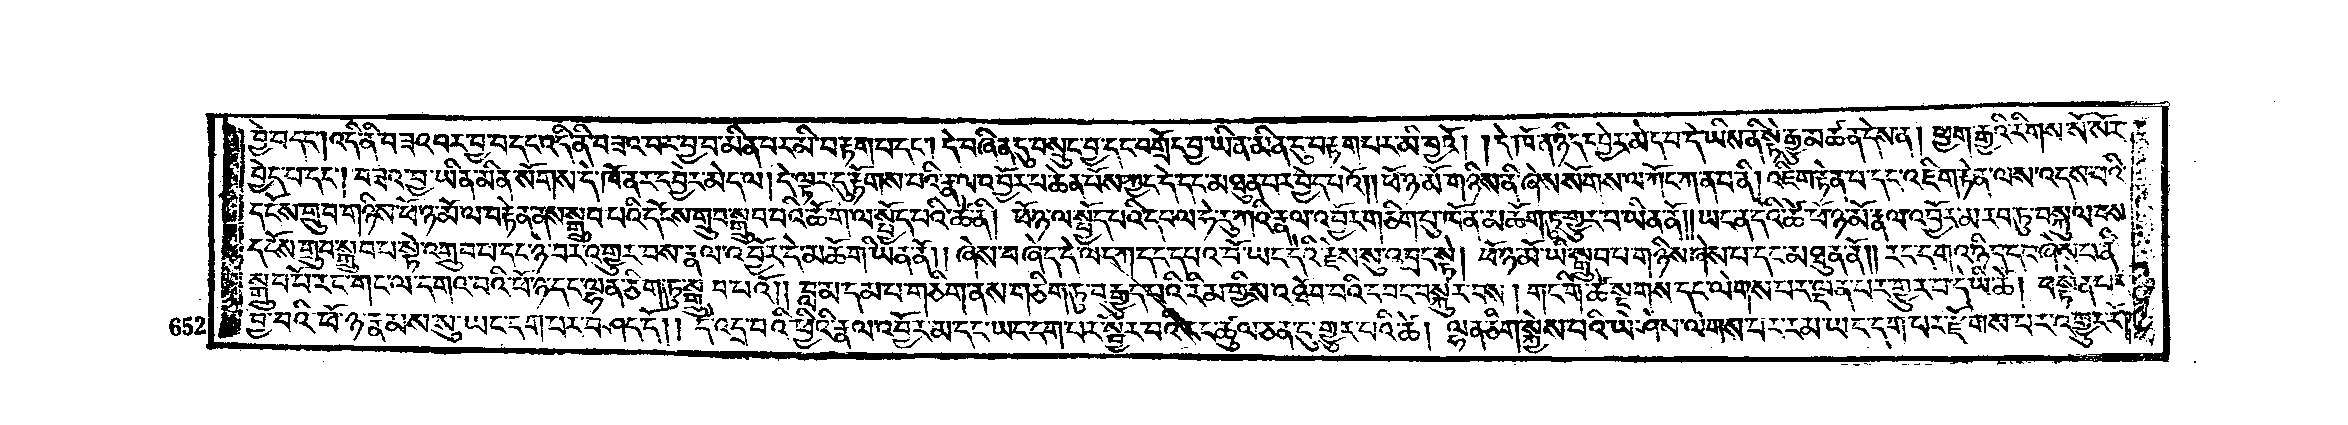བྱ་བ་དང་། འདི་ནི་བཟའ་བར་བྱ་བ་དང་འདི་ནི་བཟའ་བར་བྱ་བ་མིན་པར་མི་བརྟག་པ་དང་། དེ་བཞིན་དུ་བསྲུང་བྱ་དང་བགྲོང་བྱ་ཡིན་མིན་དུ་བརྟག་པར་མི་བྱའོ། །དེ་ཁོ་ན་ཉིད་དབྱེར་མེད་པ་དེ་ཡིས་ནི་སྟེ་རྒྱུ་མཚན་དེས་ན། ཕྱག་རྒྱའི་རིགས་སོ་སོར་
བྱེད་པ་དང་། བཟའ་བྱ་ཡིན་མིན་སོགས་དེ་ཁོ་ནར་དབྱར་མེད་ལ། དེ་ལྟར་དུ་རྟོགས་པའི་རྣལ་འབྱོར་པ་ཆེན་པོས་ཀྱང་དེ་དང་མཐུན་པར་བྱེད་པའོ། །ཕོ་ཉ་མོ་གཉིས་ནི་ཞེས་སོགས་ལ་ཀོང་ཀ་ན་པ་ནི། འཇིག་རྟེན་པ་དང་འཇིག་རྟེན་ལས་འདས་པའི་
དངོས་གྲུབ་གཉིས་ཕོ་ཉ་མོ་ལ་བརྟེན་ནས་སྒྲུབ་པའི་དངོས་གྲུབ་སྒྲུབ་པའི་ཆོ་ག་ལ་སྤྱོད་པའི་ཚེ་ནི། ཕོ་ཉ་ལ་སྤྱོད་པའི་དཔལ་ཧེ་རུ་ཀའི་རྣལ་འབྱོར་གཅིག་པུ་ཁོ་ན་མཆོག་ཏུ་གྱུར་བ་ཡིན་ནོ། །ཡང་ན་དེའི་ཚེ་ཕོ་ཉ་མོ་རྣལ་འབྱོར་མ་རབ་ཏུ་བསྐུལ་བས་
དངོས་གྲུབ་སྒྲུབ་པ་སྟེ་འགྲུབ་པ་དང་ཉེ་བར་འགྱུར་བས་རྣལ་འབྱོར་དེ་མཆོག་ཡིན་ནོ། །ཞེས་བཞེད་དེ་ལང་ཀ་དང་དཔའ་བོ་ཡང་དེའི་རྗེས་སུ་འབྲང་སྟེ། ཕོ་ཉ་མོ་ཡི་སྒྲུབ་པ་གཉིས་ཞེས་པ་དང་མཐུན་ནོ། །རང་དགའ་ཉིད་དང་ཞེས་པ་ནི་
སྒྲུབ་པོ་རང་གང་ལ་དགའ་བའི་ཕོ་ཉ་དང་ལྷན་ཅིག་ཏུ་སྒྲུབ་པའོ། །བླ་མ་དམ་པ་གཅིག་ནས་གཅིག་ཏུ་བརྒྱུད་པའི་རིམ་གྱིས་འཐོབ་པའི་དབང་བསྐུར་བས། གང་གི་ཚེ་སྔགས་དང་ལེགས་པར་ལྡན་པར་གྱུར་པ་དེ་ཡི་ཚེ། བསྟེན་པར་
བྱ་བའི་ཕོ་ཉ་རྣམས་སུ་ཡང་དག་པར་བཤད་དེ། །དེ་འདྲ་བའི་ཕྱིའི་རྣལ་འབྱོར་མ་དང་ཡང་དག་པར་སྦྱོར་བའི་ངང་ཚུལ་ཅན་དུ་གྱུར་པའི་ཚེ། ལྷན་ཅིག་སྐྱེས་བའི་ཡེ་ཤེས་ལེགས་པར་རམ་ཡང་དག་པར་རྫོགས་པར་འགྱུར་རོ། །